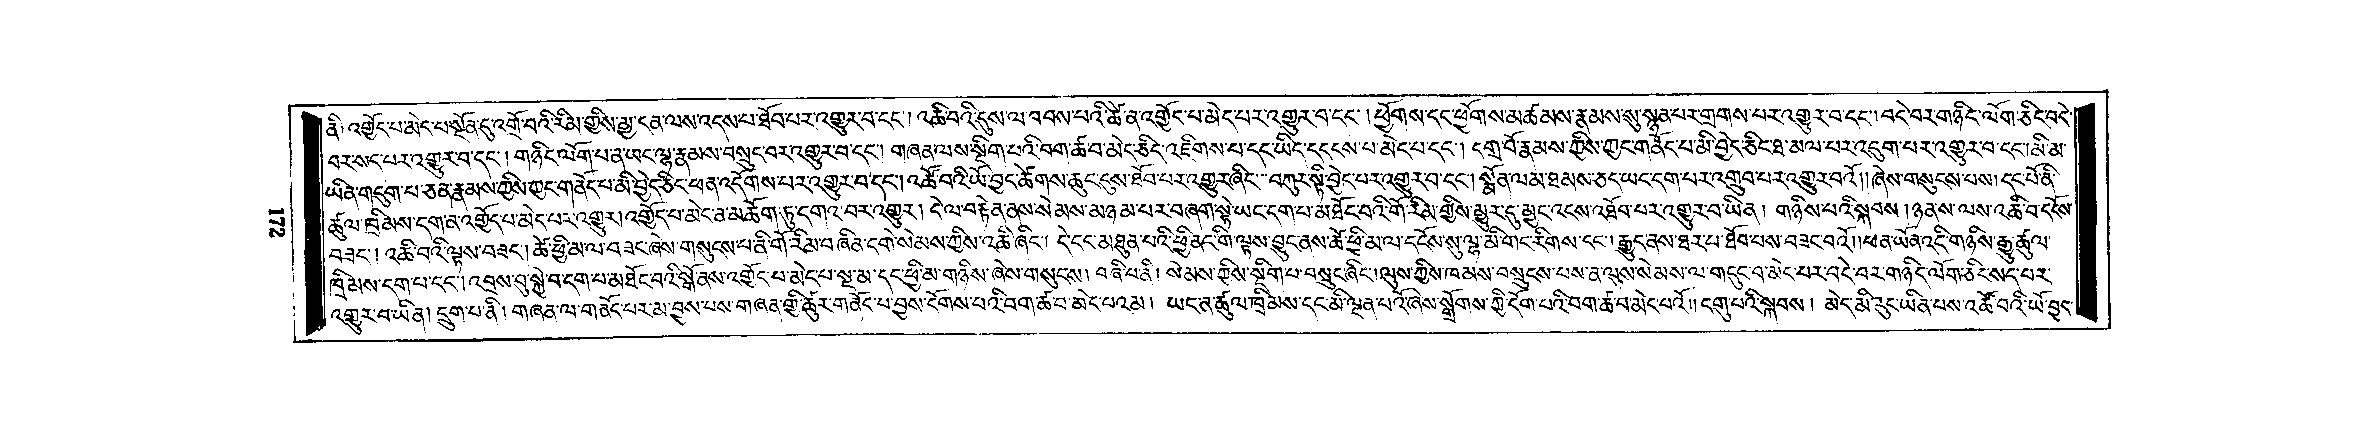ནི། འགྱོད་པ་མེད་པ་སྔོན་དུ་འགྲོ་བའི་རིམ་གྱིས་མྱ་ངན་ལས་འདས་པ་ཐོབ་པར་འགྱུར་བ་དང་། འཆི་བའི་དུས་ལ་བབས་པའི་ཚེ་ན་འགྱོད་པ་མེད་པར་འགྱུར་བ་དང་། ཕྱོགས་དང་ཕྱོགས་མཚམས་རྣམས་སུ་སྙན་པར་གྲགས་པར་འགྱུར་བ་དང་། བདེ་བར་གཉིད་ལོག་ཅིང་བདེ་
བར་སད་པར་འགྱུར་བ་དང་། གཉིད་ལོག་པ་ན་ཡང་ལྷ་རྣམས་བསྲུང་བར་འགྱུར་བ་དང་། གཞན་ལས་སྡིག་པའི་བག་ཚ་བ་མེད་ཅིང་འཇིགས་པ་དང་ཡིད་དང་ངས་པ་མེད་པ་དང་། དགྲ་བོ་རྣམས་ཀྱིས་ཀྱང་གནོད་པ་མི་བྱེད་ཅིང་ཐ་མལ་པར་འདུག་པར་འགྱུར་བ་དང་། མི་མ་
ཡིན་གདུག་པ་ཅན་རྣམས་ཀྱིས་ཀྱང་གནོད་པ་མི་བྱེད་ཅིང་ཕན་འདོགས་པར་འགྱུར་བ་དང་། འཚོ་བའི་ཡོ་བྱད་ཚེགས་ཆུང་དུས་ཐོབ་པར་འགྱུར་ཞིང་བཀུར་སྟི་བྱེད་པར་འགྱུར་བ་དང་། སྨོན་ལམ་ཐམས་ཅད་ཡང་དག་པར་འགྲུབ་པར་འགྱུར་བའོ། །ཞེས་གསུངས་པས། དང་པོ་ནི་
ཚུལ་ཁྲིམས་དག་ན་འགྱོད་པ་མེད་པར་འགྱུར། འགྱོད་པ་མེད་ན་མཆོག་ཏུ་དགའ་བར་འགྱུར། དེ་ལ་བརྟེན་ནས་སེམས་མཉམ་པར་བཞག་སྟེ་ཡང་དག་པ་མཐོང་བའི་གོ་རིམ་གྱིས་མྱུར་དུ་མྱང་འདས་འཐོབ་པར་འགྱུར་བ་ཡིན། གཉིས་པའི་སྐབས། ཉན་ས་ལས་འཆི་བ་དངོས་
བཟང་། འཆི་བའི་ལྟས་བཟང་། ཚེ་ཕྱི་མ་ལ་བཟང་ཞེས་གསུངས་པ་ནི་གོ་རིམ་བཞིན་དགེ་སེམས་ཀྱིས་འཆི་ཞིང་། དེ་དང་མཐུན་པའི་ཕྱི་ནང་གི་ལྟས་བྱུང་ནས་ཚེ་ཕྱི་མ་ལ་དངོས་སུ་ལྷ་མི་གང་རིགས་དང་། རྒྱུད་ནས་ཐར་པ་ཐོབ་པས་བཟང་བའོ། །ཕན་ཡོན་འདི་གཉིས་རྒྱུ་ཚུལ་
ཁྲིམས་དག་པ་དང་། འབྲས་བུ་སྐྱེ་བ་དག་པ་མཐོང་བའི་སྒོ་ནས་འགྱོད་པ་མེད་པ་སྔ་མ་དང་ཕྱི་མ་གཉིས་ཞེས་གསུངས། བཞི་པ་ནི། སེམས་ཀྱིས་སྡིག་པ་བསྲུང་ཞིང་། ལུས་ཀྱིས་ཁམས་བསྲུངས་པས་ན་ལུས་སེམས་ལ་གདུང་བ་མེད་པར་བདེ་བར་གཉིད་ལོག་ཅིང་སད་པར་
འགྱུར་བ་ཡིན། དྲུག་པ་ནི། གཞན་ལ་གནོད་པར་མ་བྱས་པས་གཞན་གྱི་ཚུར་གནོད་པ་བྱས་དོགས་པའི་བག་ཚ་བ་མེད་པའམ། ཡང་ན་ཚུལ་ཁྲིམས་དང་མི་ལྡན་པའོ་ཞེས་སྒྲོགས་ཀྱི་དོག་པའི་བག་ཚ་བ་མེད་པའོ། །དགུ་པའི་སྐབས། མེད་མི་རུང་ཡིན་པས་འཚོ་བའི་ཡོ་བྱད་